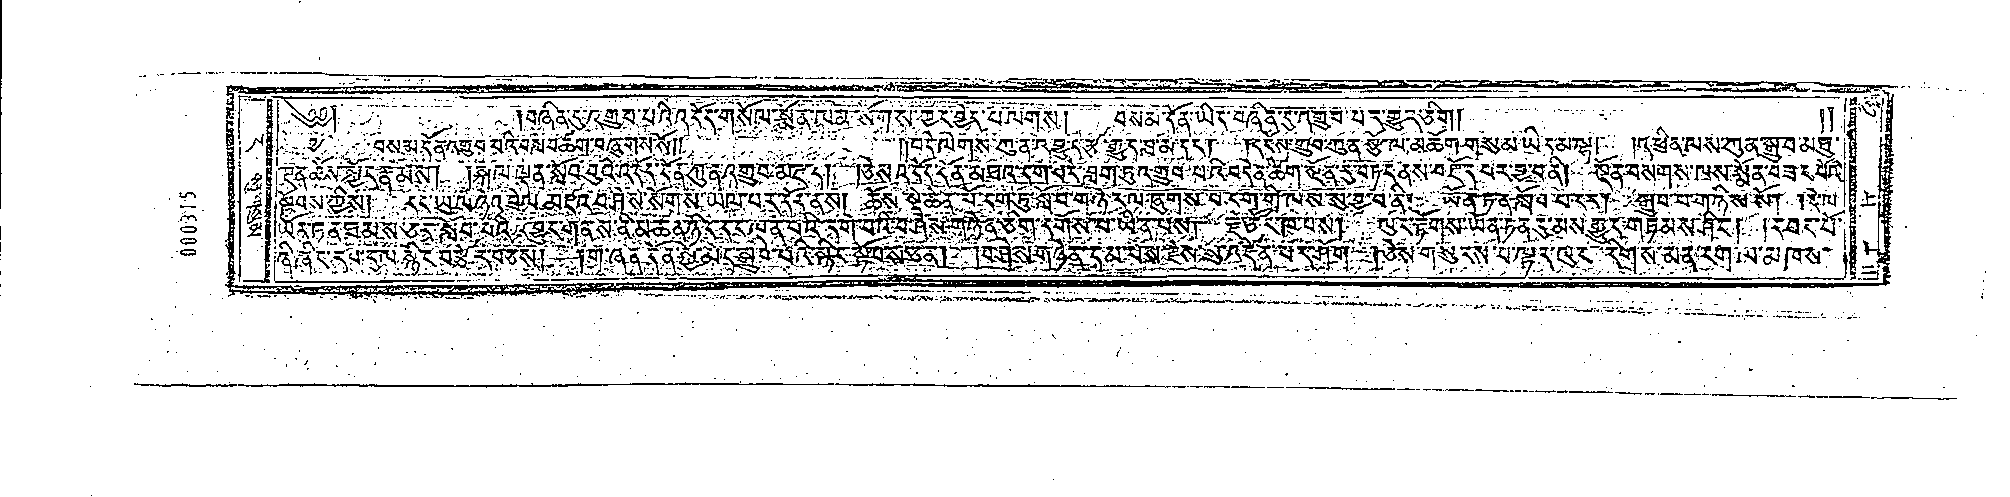༄༅། །བཞིན་དུ་འགྲུབ་པའི་འདོད་གསོལ་སྨོན་ལམ་སོགས་ཀྱང་བྱེད་པ་ལགས། བསམ་དོན་ཡིད་བཞིན་དུ་འགྲུབ་པར་གྱུར་ཅིག། །།
༧་བསམ་དོན་འགྲུབ་པའི་བསླབ་ཚག་བཞུགས་སོ།། །།བདེ་ལེགས་ཀུན་འབྱུང་རྩ་རྒྱུད་བླ་མ་དང་། །དངོས་གྲུབ་ཀུན་སྩོལ་མཆོག་གསུམ་ཡི་དམ་ལྷ། །འཕྲིན་ལས་ཀུན་སྒྲུབ་མཐུ་
ལྡན་ཆོས་སྐྱོང་རྣམས། །སྐལ་ལྡན་སློབ་བུའི་འདོད་དོན་ཀུན་འགྲུབ་མཛད། །ཅེས་འདོད་དོན་མཐའ་དག་བདེ་བླག་ཏུ་འགྲུབ་པའི་བདེན་ཚིག་སྔོན་དུ་བཏང་ནས་བརྗོད་པར་བྱ་བ་ནི། སྔོན་བསགས་ལས་སྨོན་བཟང་པོའི་
སྟོབས་ཀྱིས། རང་ཡུལ་ཉེ་འབྲེལ་མཛའ་བཤེས་སོགས་ཡལ་པར་དོར་ནས། ཆོས་སྡེ་ཆེན་པོ་ངག་ཏུ་སློབ་གཉེར་ལ་ཞུགས་བ་དག་གི་ལས་སུ་བྱ་བ་ནི། ཡོན་ཏན་སློབ་པ་དང་། སྒྲུབ་པ་གཉིས་སོ། །དེ་ལ་
ཡོན་ཏན་ཐམས་ཅད་སློབ་པའི་འབྱུང་གནས་ནི་མཚན་ཉིད་དང་ལྡན་པའི་དགེ་བའི་བཤེས་གཉེན་ཅིག་དགོས་པ་ཡིན་པས། རྗེ་ཙོང་ཁ་པས། ལུང་རྟོགས་ཡོན་ཏན་དུ་མས་རྒྱུད་གཏམས་ཤིང་། །དབང་པོ་
ཞི་ཞིང་རབ་དུལ་སྙིང་བརྩེར་བཅས། །གཞན་དོན་སྐྱོ་མེད་སྒྲུབ་པའི་སྙིང་སྟོབས་ཅན། །བཤེས་གཉེན་དམ་པས་རྗེས་སུ་འཛིན་པར་ཤོག །ཅེས་གསུངས་པ་ལྟར་ལུང་རིགས་མན་ངག་ལ་མཁས་